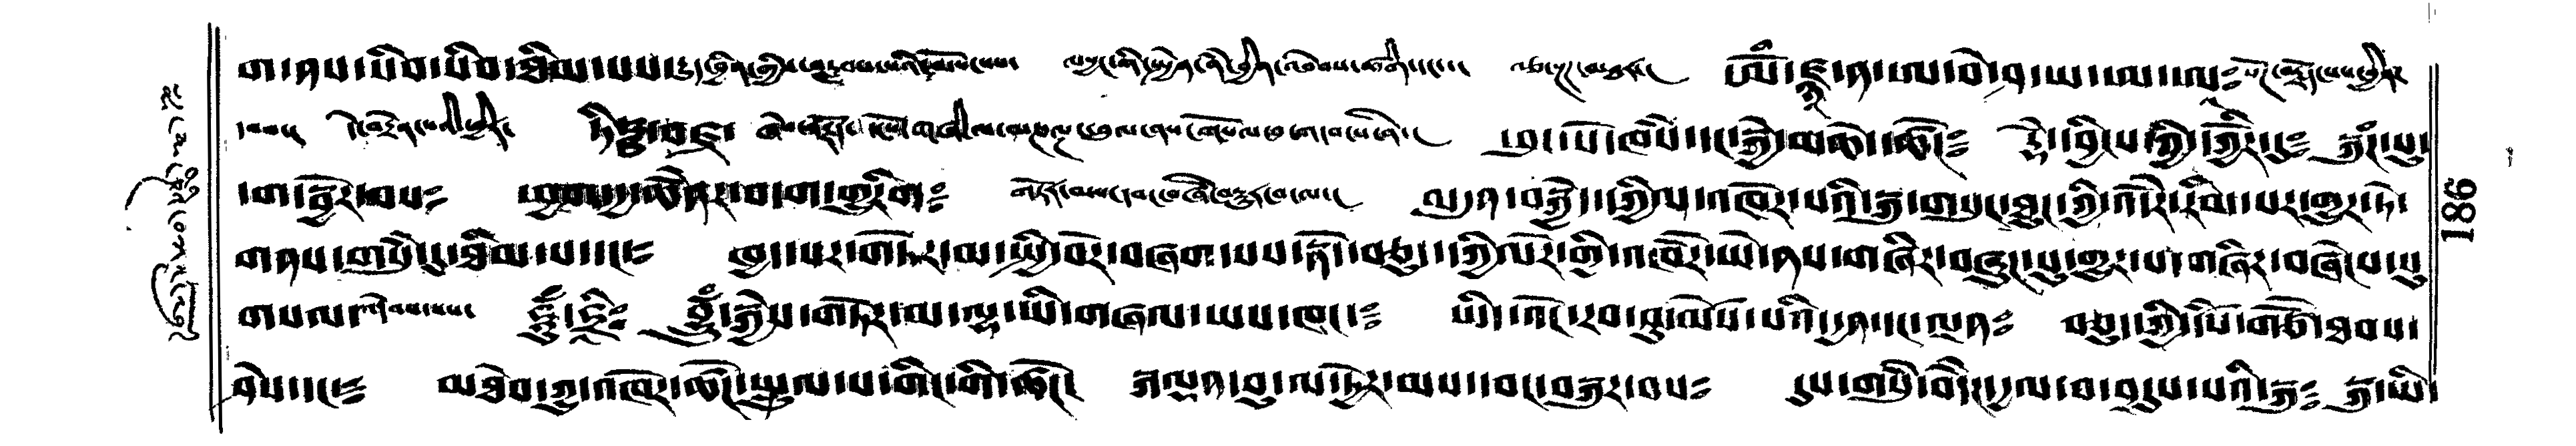ནས་སིབ་སིབ་ཐིམ་པས་རྒྱུད་བྱིན་གྱིས་བརླབས་པའིམོས་པས། ལས་བྱང་གི་སྤྱན་འདྲེན་ནམ་བྱིན་འབེབས་ཚིག་དང་། རྩ་སྔགས་མཐར་ཨོཾ་ཛྙཱ་ན་ཨ་བེ་ཤ་ཡ་ཨ་ཨཱཿ སོགས་བརྗོད་པས་བྱིན་
དབབ། དེ་བརྟན་པའི་ཕྱིར་ཏིཥྛ་བཛྲ་ཞེས་བརྗོད། དངོས་བཞིས་ལ་མཎྜལ་ཕུལ་ནས་གསོལ་པ་གདབ་པ་ནི། ཕུང་པོ་ཁམས་དང་སྐྱེད་མཆེད་ཚོགས༔ རྡོ་རྗེ་དབྱིངས་ཀྱི་དཀྱིལ་འཁོར་དུ༔ སྐུ་གསུང་ཐུགས་སུ་
དག་སྦྱོར་བས༔ ཕྱག་རྒྱ་ཆེན་པོར་བདག་གྱུར་ཅིག༔ གཏོར་མས་དབང་བཞི་བསྐུར་བ་ལ། མདུན་བསྐྱེད་དཀྱིལ་འཁོར་པའི་སྐུ་གསུང་ཐུགས་ཀྱི་འོད་ཟཻར་རིམ་པར་གྱུར་ཏེ་
གནས་གསུམ་དུ་ཐིམ་པ་དང༔ ཁྱད་པར་གཏོར་མ་སྤྱི་བོར་བཞག་པས་སྣོད་བཅུད་དཀྱིལ་འཁོར་གྱི་འཁོར་ལོ་ཡེ་ནས་གཞིར་བཞུགས་སུ་གྱུར་པ་གཞིར་བཞེངས་སུ་
གསལ་འདེབས་པས་ཧཱུྃ་ཧྲཱི༔ བྷྲུྃ་སྐྱེས་གཏོར་མ་ལྷ་ཡི་གཞལ་ཡས་ཁང༔ ཡིད་འོང་རབ་ཏུ་མཛེས་པའི་རྒྱན་དང་ལྡན༔ བཅུད་ཀྱི་དམ་པ་གཙོ་བོ་ཐབས་
ཤེས་དང༔ མཐེབ་ཀྱུ་འཁོར་ཚོགས་སྤྲུལ་པ་གིང་གི་ཚོགས༔ སྐལ་ལྡན་བུ་ལ་གཏོར་མས་དབང་བསྐུར་བས༔ དུས་གསུམ་བདེ་གཤེགས་རྒྱལ་བ་འདུས་པའི་སྐུ༔ སྐུ་ཡི་